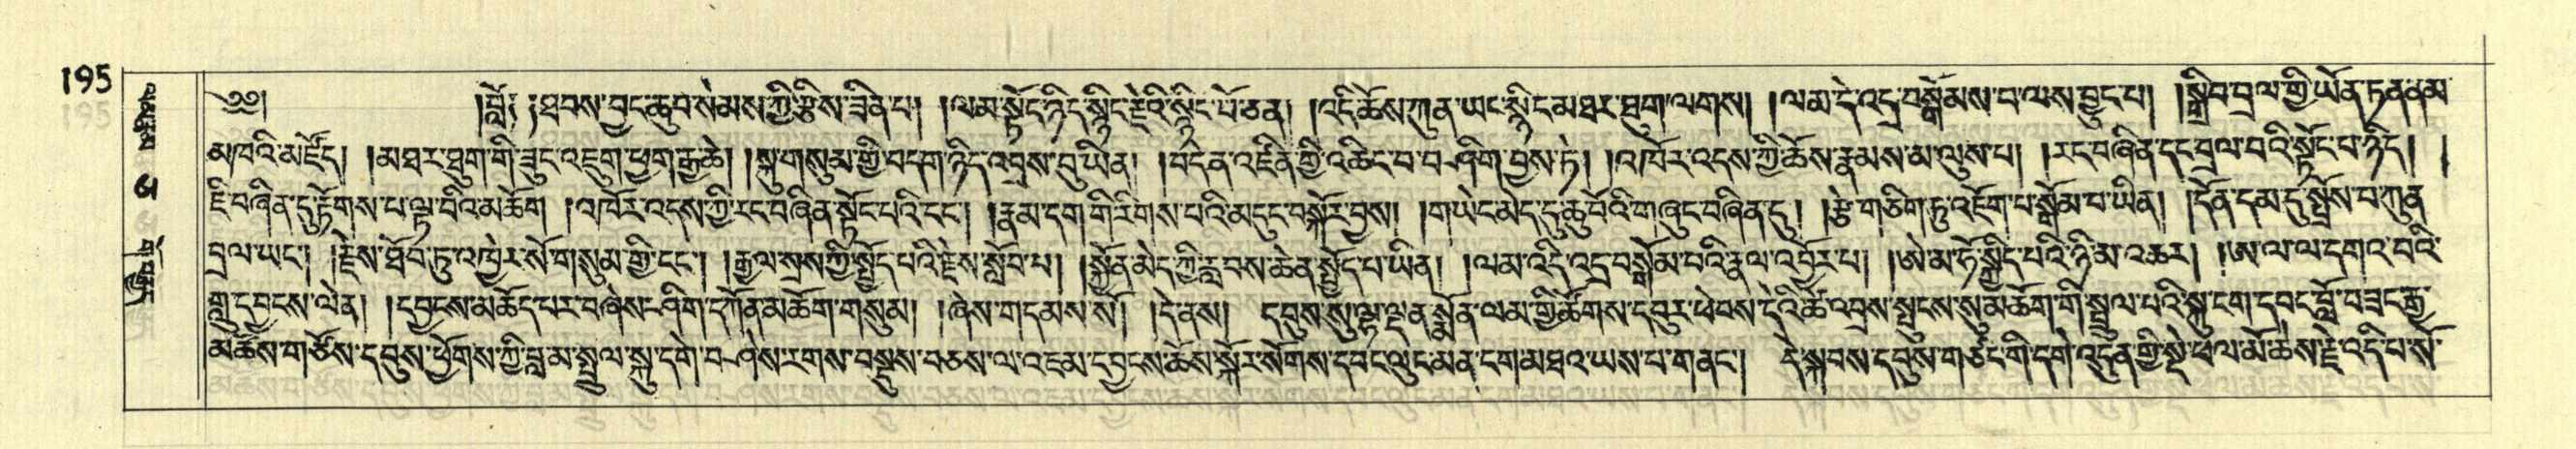༄༅། །བློ༑ ༑ཐབས་བྱང་ཆུབ་སེམས་ཀྱི་རྩིས་ཟིན་པ། །ལམ་སྟོང་ཉིད་སྙིང་རྗེའི་སྙིང་པོ་ཅན། །འདི་ཆོས་ཀུན་ཡང་སྙིང་མཐར་ཐུག་ལགས། །ལམ་དེ་འདྲ་བསྒོམས་བ་ལས་བྱུང་པ། །སྒྲིབ་བྲལ་གྱི་ཡོན་ཏན་ནམ་
མཁའི་མཛོད། །མཐར་ཐུག་གི་ཟུང་འཇུག་ཕྱག་རྒྱ་ཆེ། །སྐུ་གསུམ་གྱི་བདག་ཉིད་འབྲས་བུ་ཡིན། །བདེན་འཛི་གྱི་འཆིང་བ་བཤིག་བྱས་ཏེ། །འཁོར་འདས་ཀྱི་ཆོས་རྣམས་མ་ལུས་པ། །རང་བཞིན་དང་བྲལ་བའི་སྟོང་པ་ཉིད། །
ཇི་བཞིན་དུ་རྟོགས་པ་ལྟ་བའི་མཆོག །འཁོར་འདས་ཀྱི་རང་བཞིན་སྟོང་པའི་དང་། །རྣམ་དག་གི་རིགས་པའི་མདུང་བསྐོར་བྱས། །གཡེང་མེད་དུ་ཆུ་བོའི་གཞུང་བཞིན་དུ། །རྩེ་གཅིག་ཏུ་འཇོག་པ་སྒོམ་པ་ཡིན། །དོན་དམ་དུ་སྤྲོས་པ་ཀུན་
བྲལ་ཡང་། །རྗེས་ཐོབ་ཏུ་འཁྱེར་སོ་གསུམ་གྱི་དང་། །རྒྱལ་སྲས་ཀྱི་སྤྱོད་པའི་རྗེས་སློབ་པ། །སྐྱོན་མེད་ཀྱི་རླབས་ཆེན་སྤྱོད་པ་ཡིན། །ལམ་འདི་འདྲ་བསྒོམ་བའི་རྣལ་འབྱོར་པ། །ཨེ་མ་ཧོ་སྐྱིད་པའི་ཉི་མ་འཆར། །ཨ་ལ་ལ་དགའ་བའི་
གླུ་དབྱངས་ལེན། །དབྱངས་མཆོད་པར་བཞེས་ཤིག་དཀོན་མཆོག་གསུམ། །ཞེས་གདམས་སོ། །དེ་ནས། དབུས་སུ་ལྷ་ལྡན་སྨོན་ལམ་གྱི་ཚོགས་དབུར་ཕེབས་དེའི་ཚེ་འབྲས་སྤུངས་སུ་མཆོག་གི་སྤྲུལ་པའི་སྐུ་ངག་དབང་བློ་བཟང་རྒྱ་
མཆོས་གཙོས་དབུས་ཕྱོགས་ཀྱི་བླ་མ་སྤྲུལ་སྐུ་དགེ་བཤེས་རགས་བསྡུས་བཅས་ལ་འཇམ་དབྱངས་ཆོས་སྐོར་སོགས་དབང་ལུང་མན་ངག་མཐའ་ཡས་པ་གནང་། དེ་སྐབས་དབུས་གཙང་གི་དགེ་འདུན་གྱི་སྡེ་ཕལ་མོ་ཆེས་རྗེ་འདི་པ་སོ་